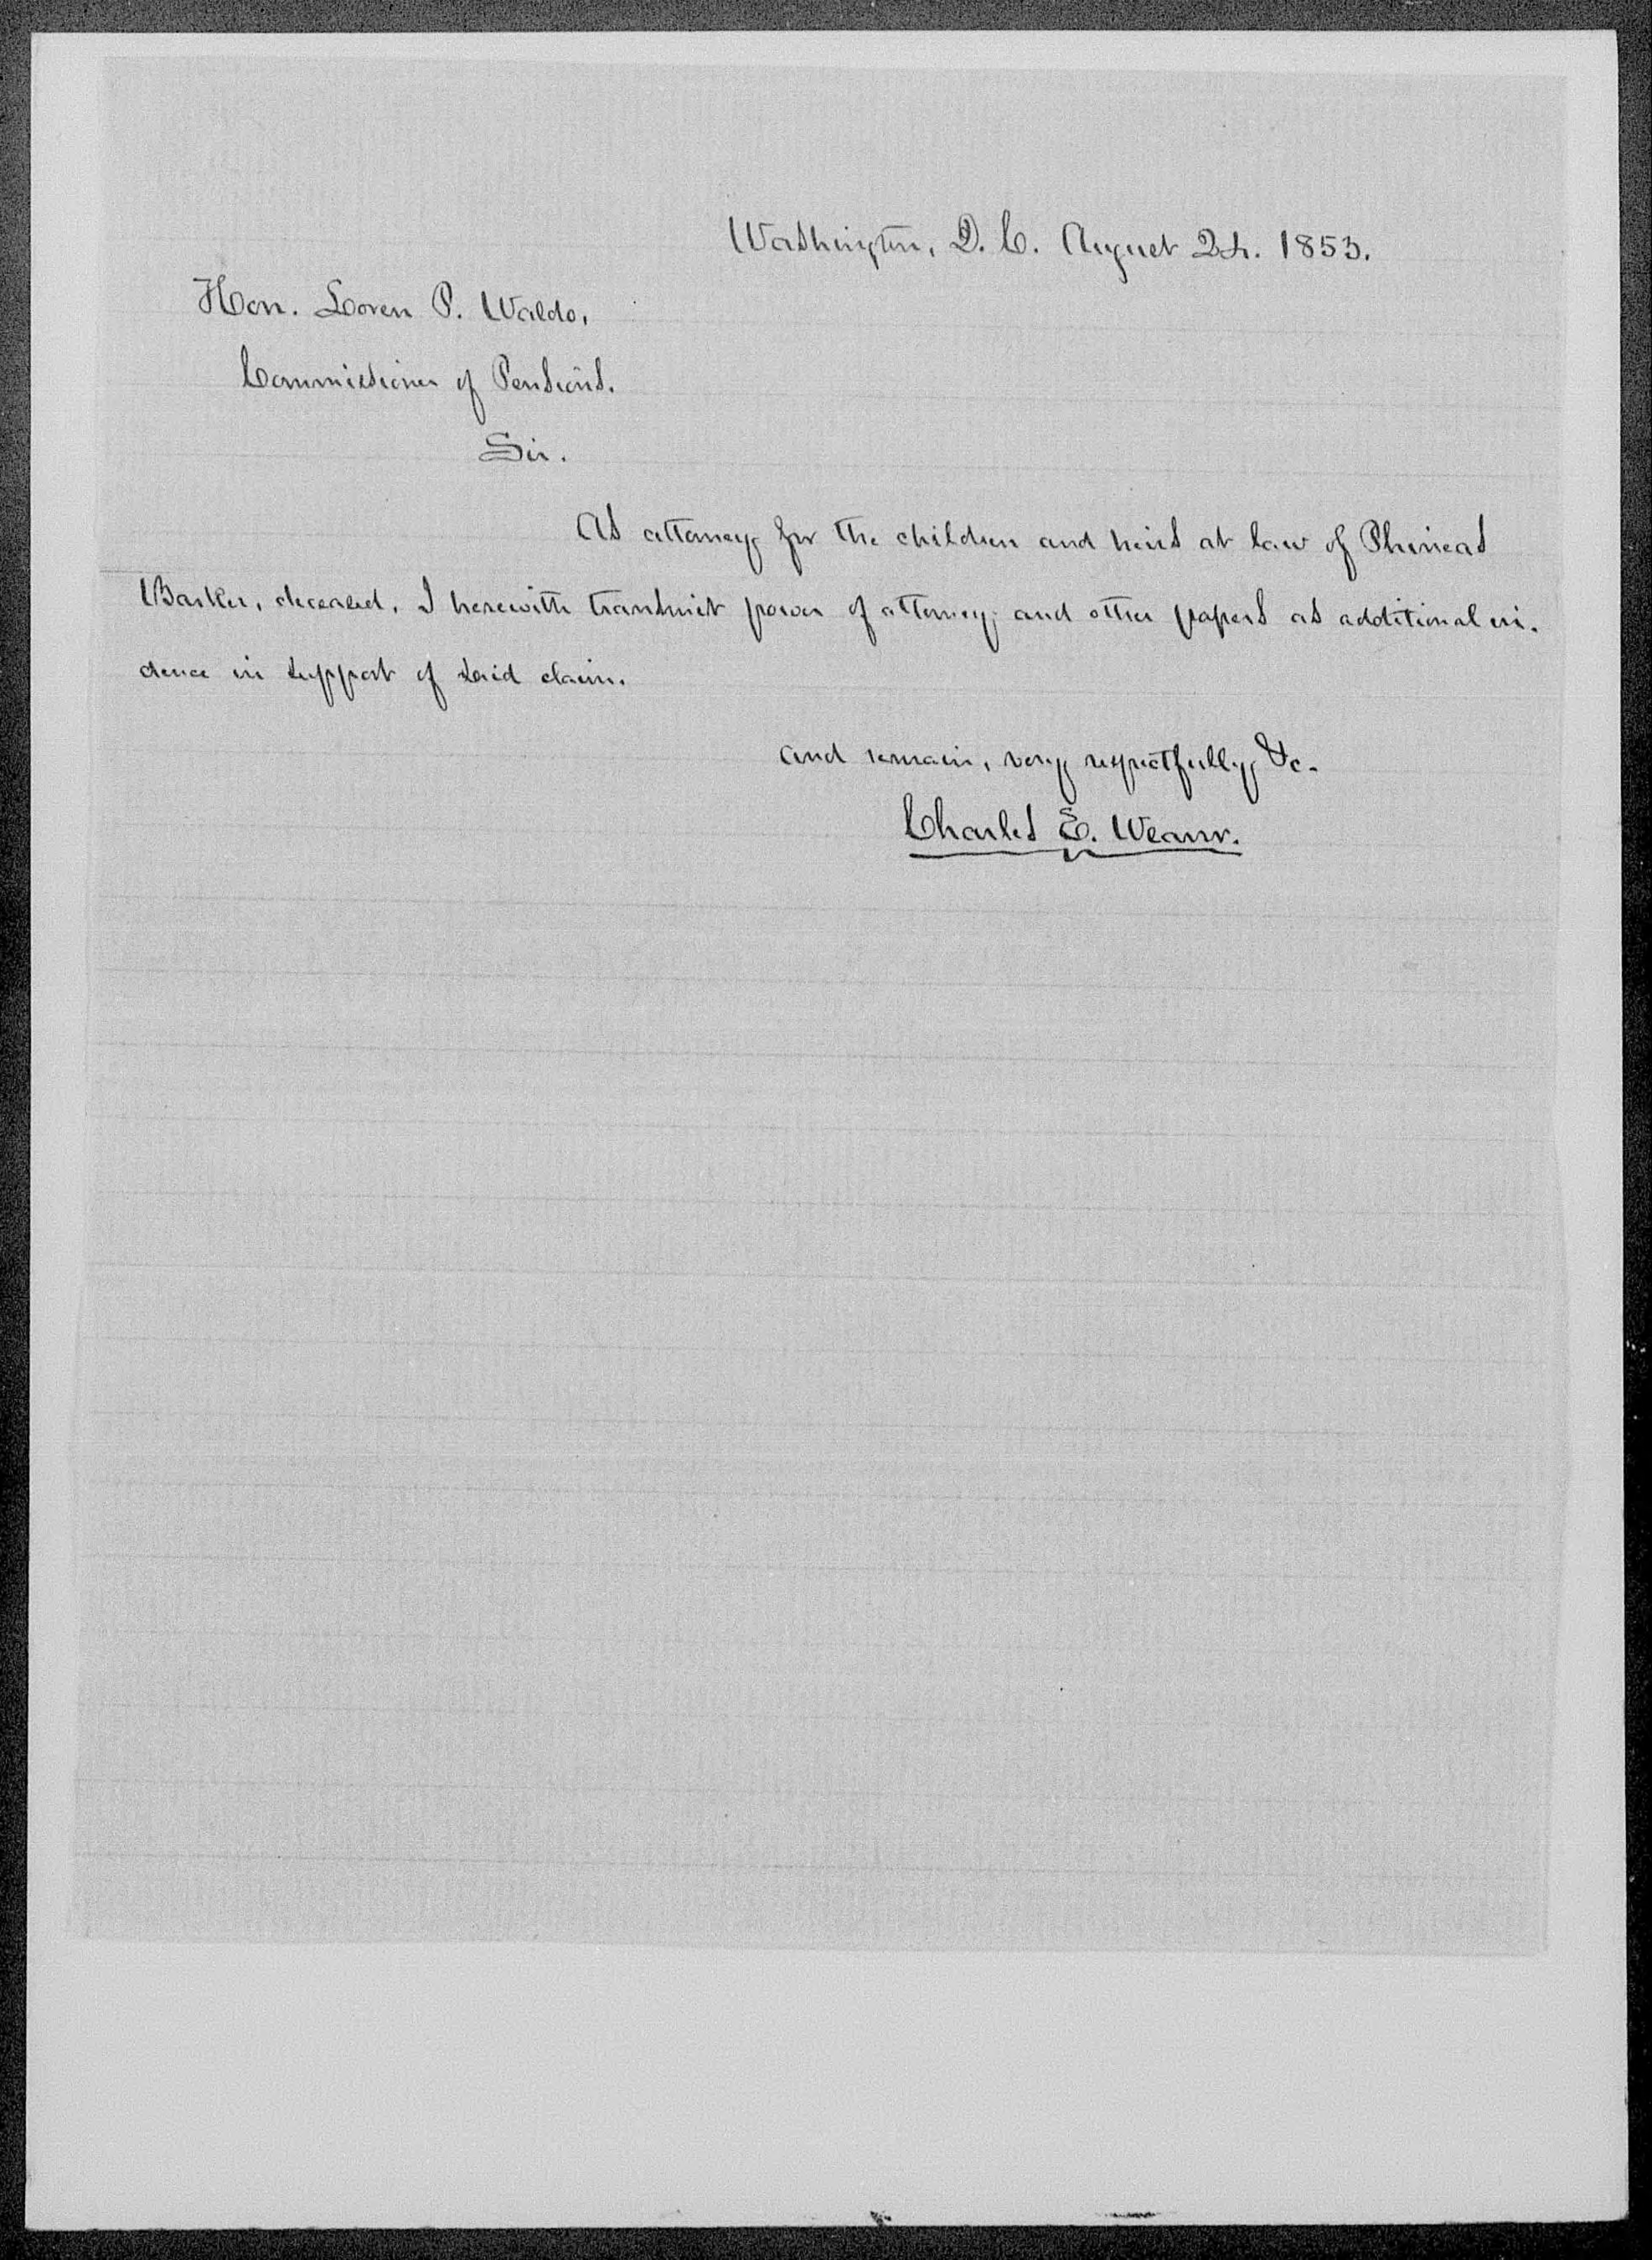Washington, D.C. August 24. 1853.
Hon Loren P. Waldo, 
Commissioner of Pensions. 
Sir
As attorney for the children and heirs at law of Phineas Barker, deceased. I herewith transmit power of attorney and other papers as additional evidence in support of said claim, 
and remain, very respectfully 
Charles E. Weaver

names: Phineas Barker, Loren P Waldo, Charles E Weaver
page: 30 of 35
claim: rejected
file: R. 501, Phineas Barker, Conn. Privateer